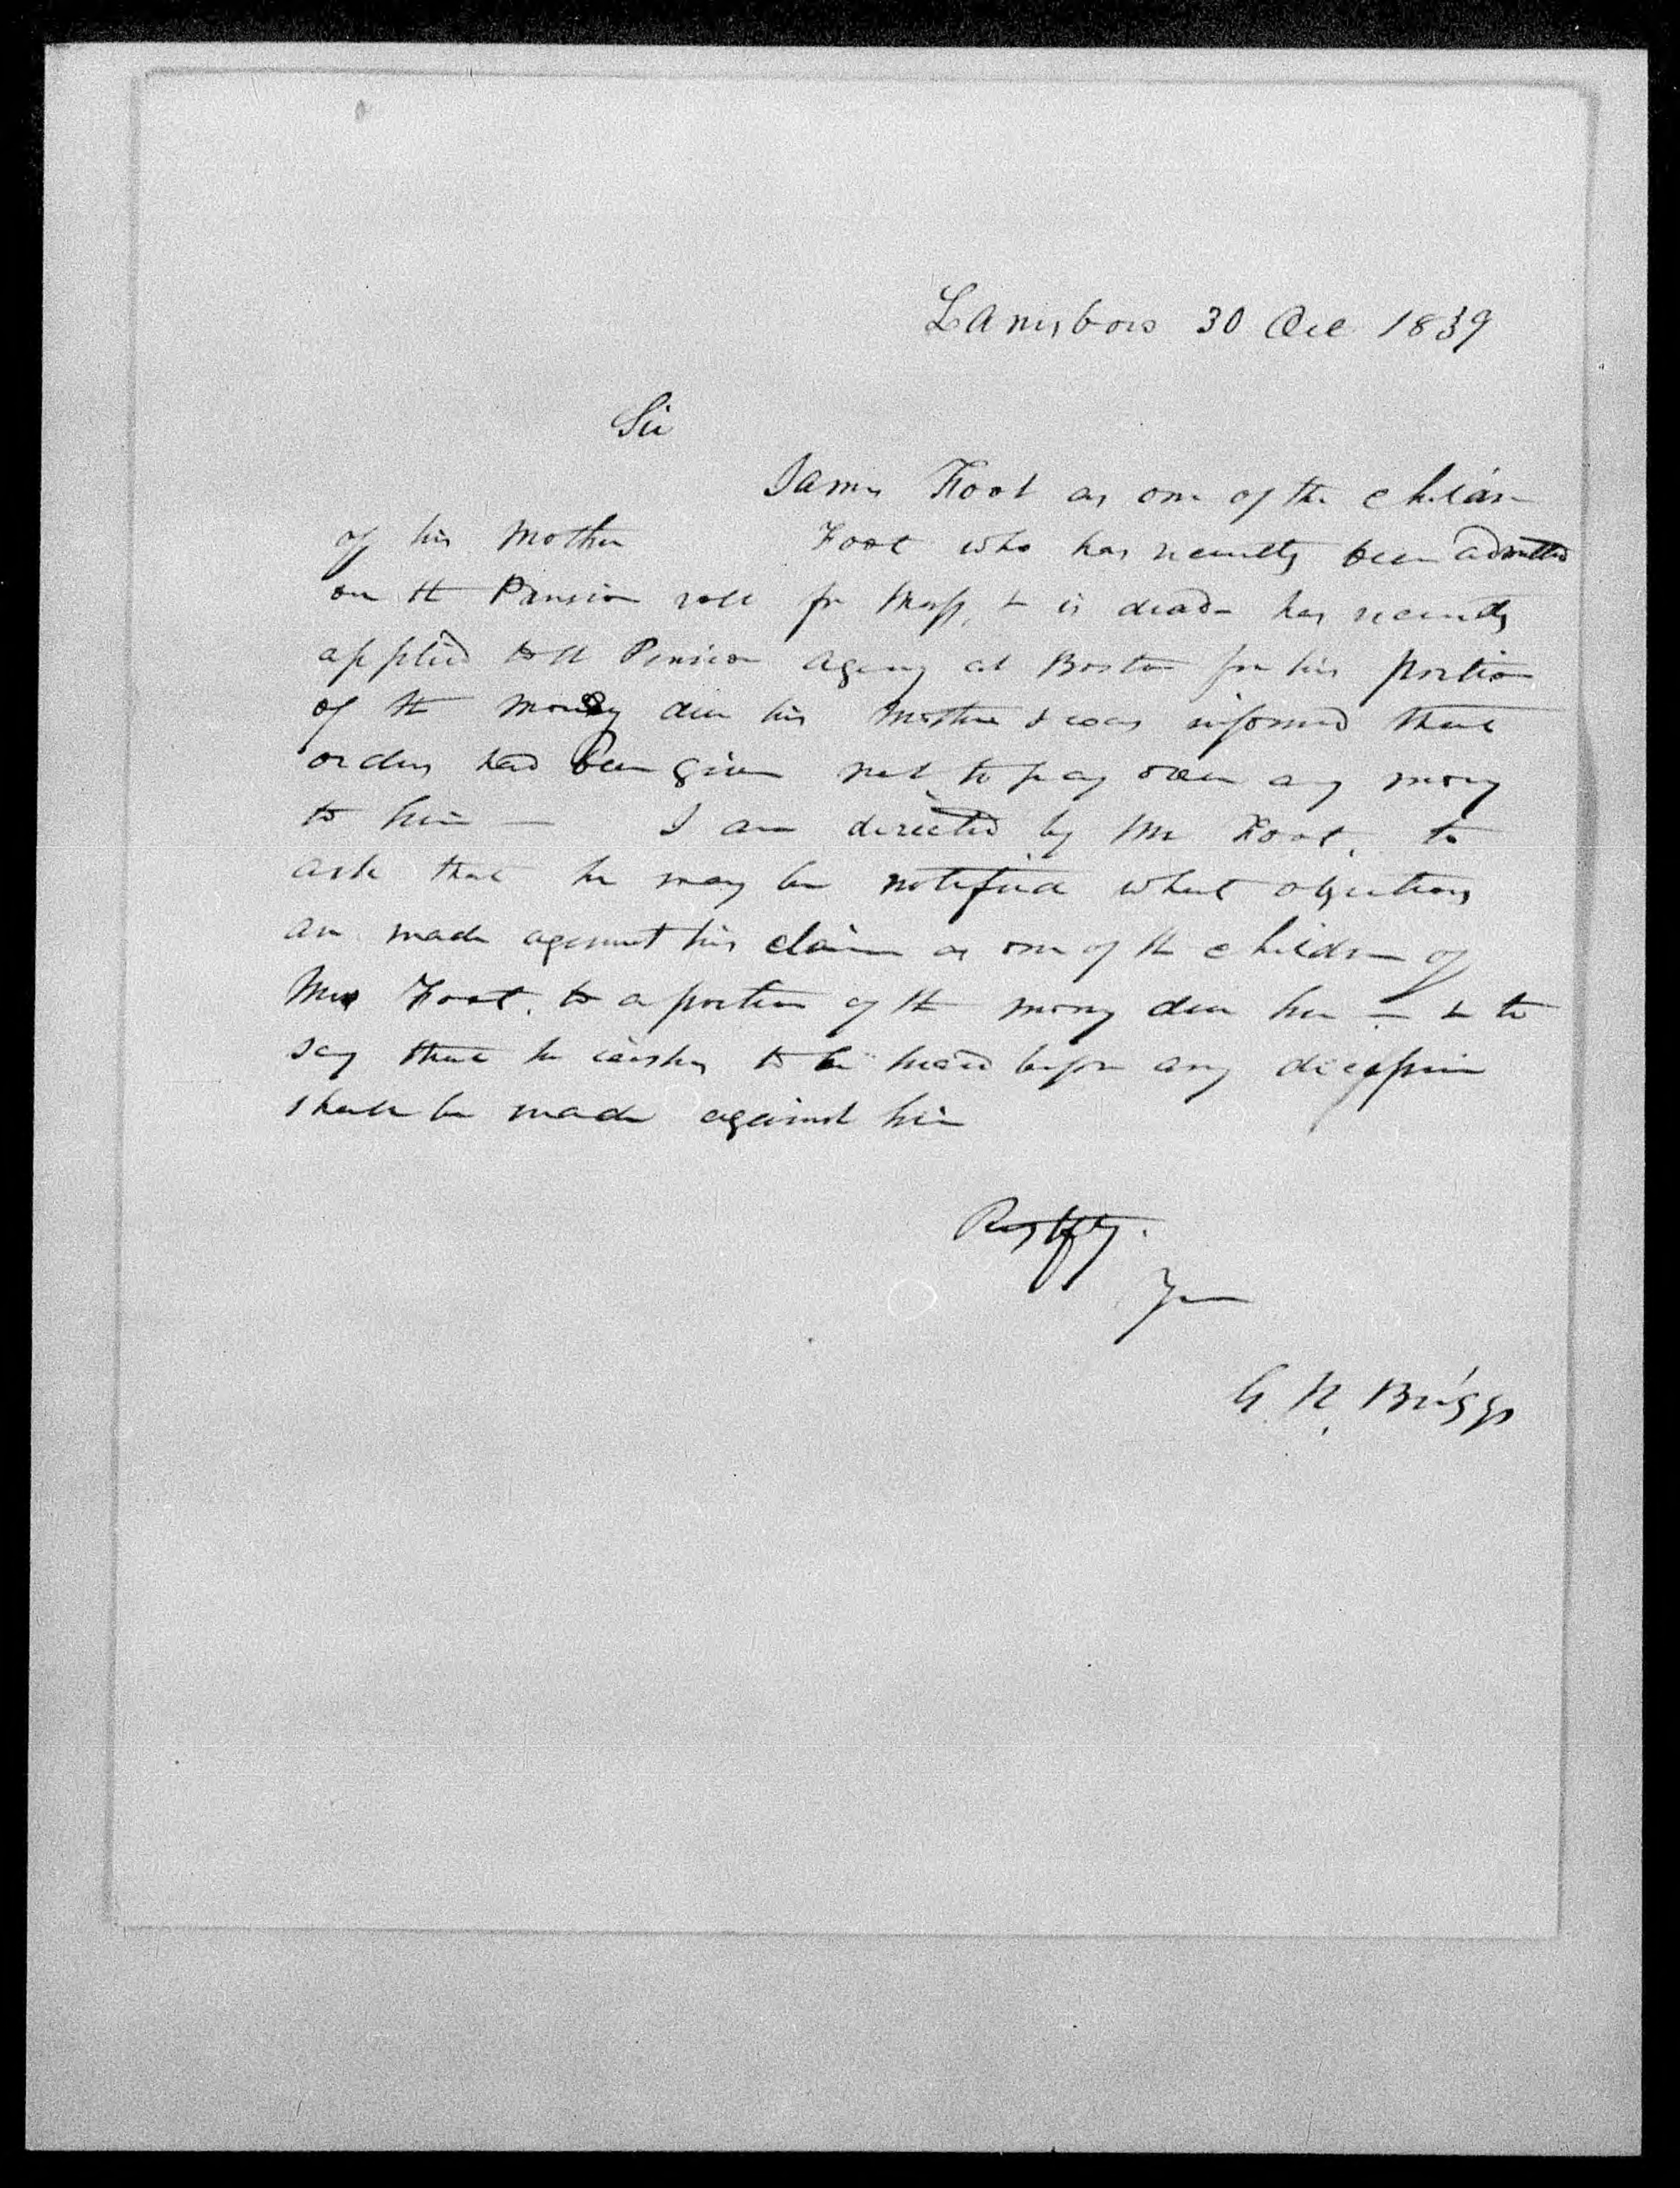Lamsboro 30 Oct. 1839

Sir
James Foot as one of the children of his mother (blank space) Foot who has recently been admitted on the Pension roll for payment, & is dead--has recently applied to the Pension Agency at Boston for his portion of the money due his mother & was informed there orders had been given not to pay over any money to him--I am directed by Mr. Foot to ask that he may be notified what objections are made against his claim as one of the children of Mrs Foot to a portion of the money due her--& to say that he wishes to be heard before any decision should be made against him

Resptly,
Y--
G. N. Briggs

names: G N Briggs; James Foot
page: 43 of 60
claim: widow's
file: W. 14,036, for James Knowles, Connecticut